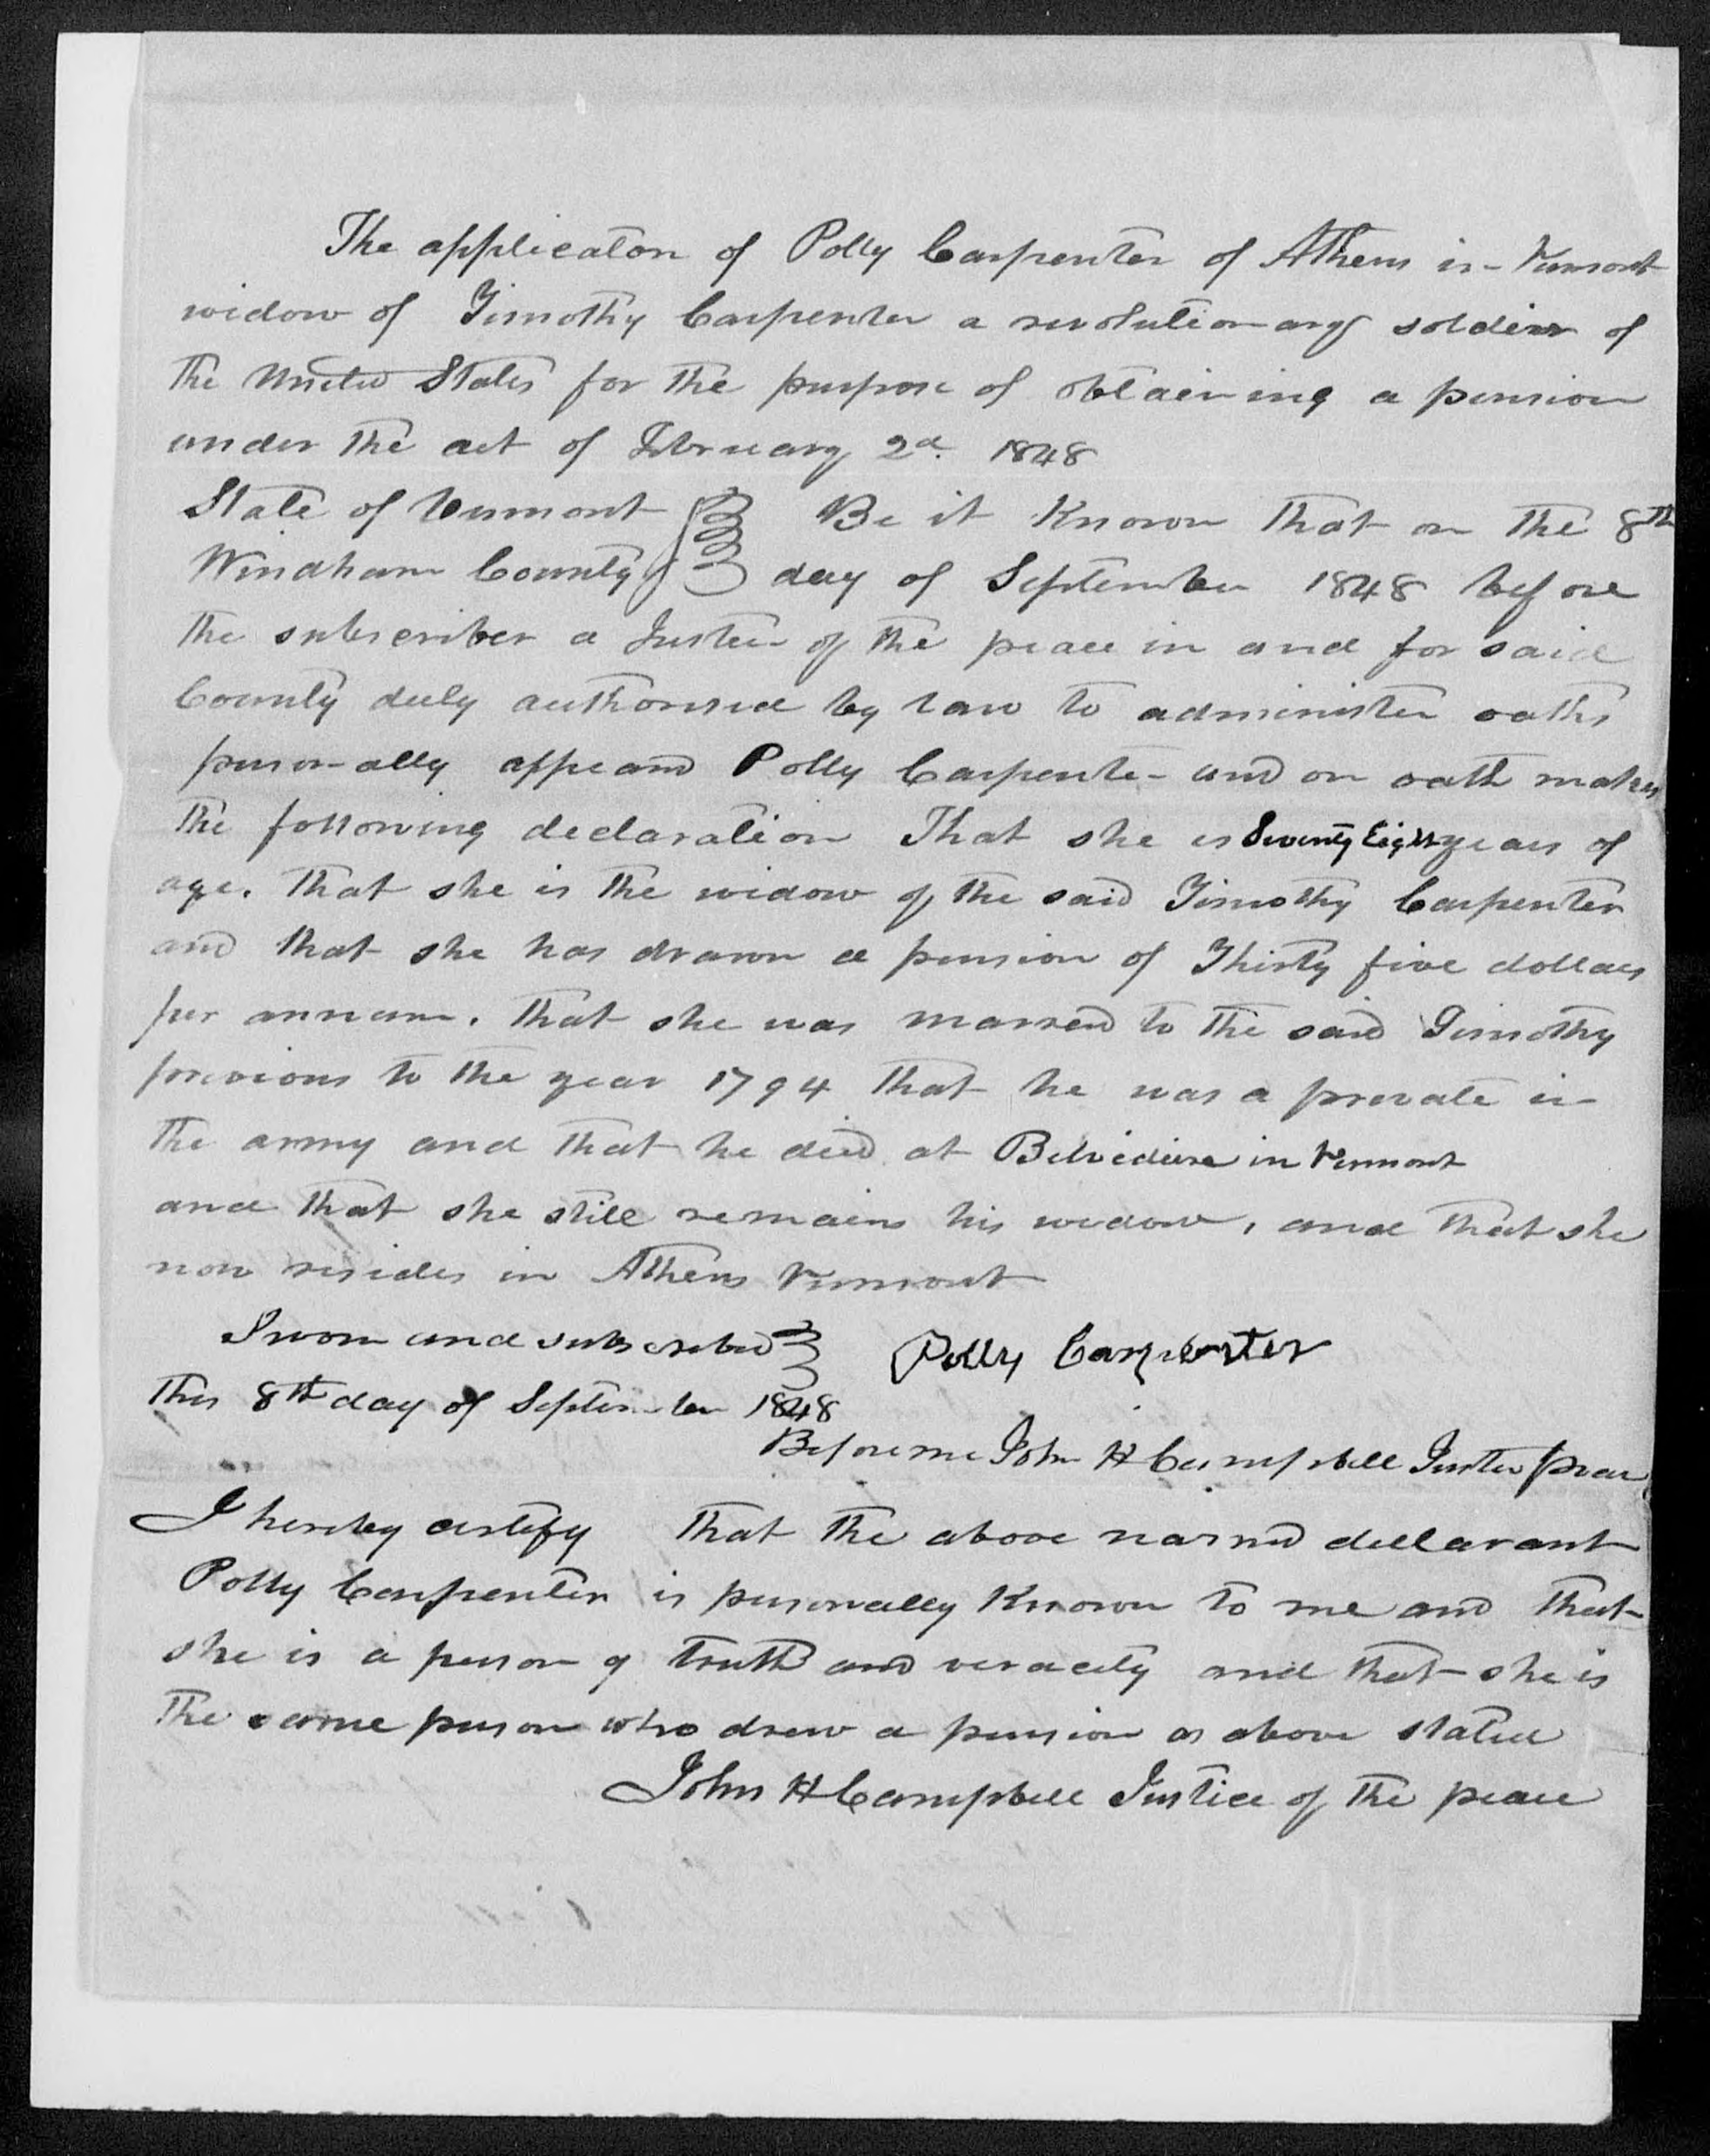The application of Polly Carpenter of Athens in Vermont widow of Timothy Carpenter a revolutionary soldier of the United States for the purpose of obtaining a pension under the act of January 2d 1848
State of Vermont
Windham County ss} Be it known that on the 8th day of September 1848 before the subscriber a Justice of the peace in and for said County duly authorised by law to administer oaths personally appeared Polly Carpenter - and on oath makes the following declaration That she is Seventy Eight years of age. That she is the widow of the said Timothy Carpenter and that she has drawn a pension of Thirty five dollars per annum. That she was married to the said Timothy previous to the year 1794 that he was a private in the army and that he died at Belvidere in Vermont and that she still remains his widow, and that  she now resides in Athens Vermont
/s/Polly Carpenter
Sworn and subscribed this 8th day of September 1848}
Before me John H Campbell Justice Peace
I hereby certify that the above named declarant Polly Carpenter is personally known to me and that she is a person of truth and veracity and that she is the same person who drew a pension as above stated
/s/John H Campbell Justice of the peace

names: John H Campbell, Polly Carpenter, Polly Carpenter, Timothy Carpenter, John H Campbell, Polly Carpenter, Polly Carpenter, Timothy Carpenter, Timothy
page: 40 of 41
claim: widow's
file: W. 15627, Timothy Carpenter, Vt.